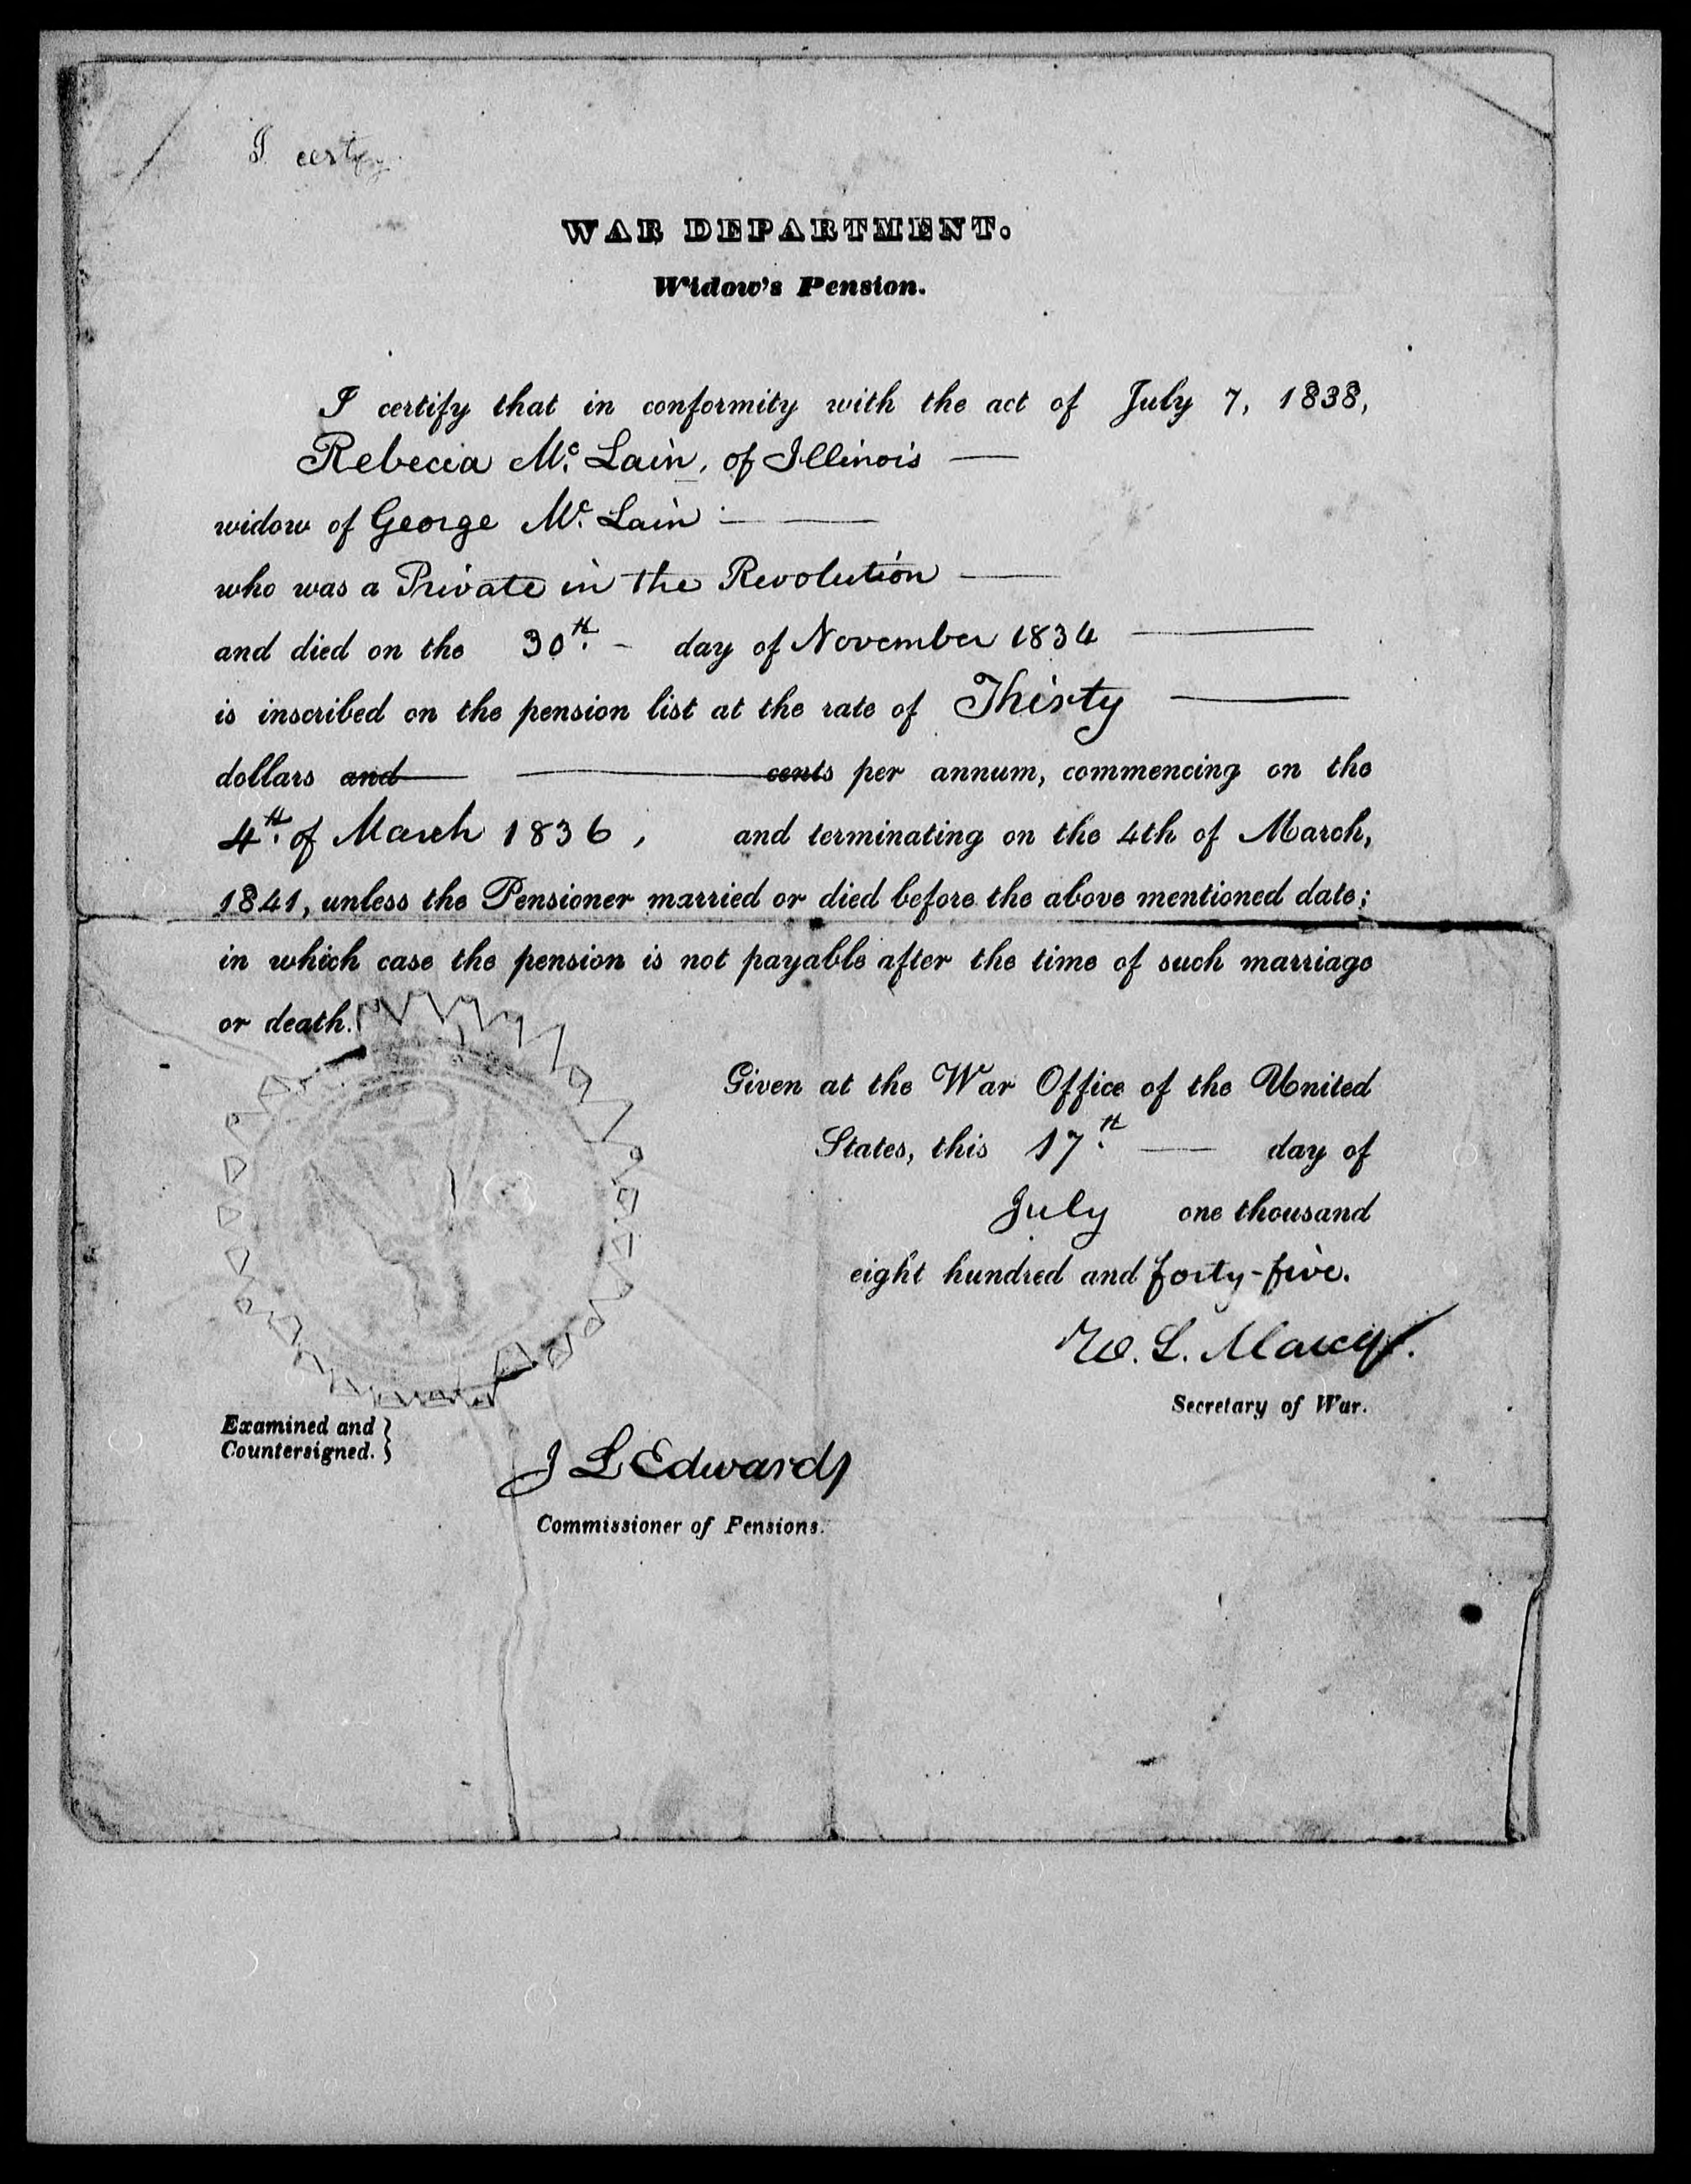[typed form, with handwritten responses]

I certify
WAR DEPARTMENT. 
WIDOW'S PENSION. 

I certify that in conformity with the act of July 7, 1838, Rebecca McLain, of Illinois - 
widow of George McLain -- who was a Private in the Revolution – and died on the 30th day of November 1834 -- is inscribed on the pension list at the rate of Thirty --- dollars [and cents crossed out] per annum, commencing on the 4th of March, 1836, and terminating on the 4th of March, 1841, unless the pensioner married or died before the above mentioned date; in which case the pension is not payable after the time of such marriage or death.

[Emblem of a Seal]

Given at the War Office of the United States this 17th -- day of July one thousand eight hundred and forty-five. 

W. L. Marcy 
Secretary of War.

Examined and Countersigned. 
J L Edwards 
Commissioner of Pensions.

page: 41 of 67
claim: widow's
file: W. 21793, for George Mc Lain, North Carolina